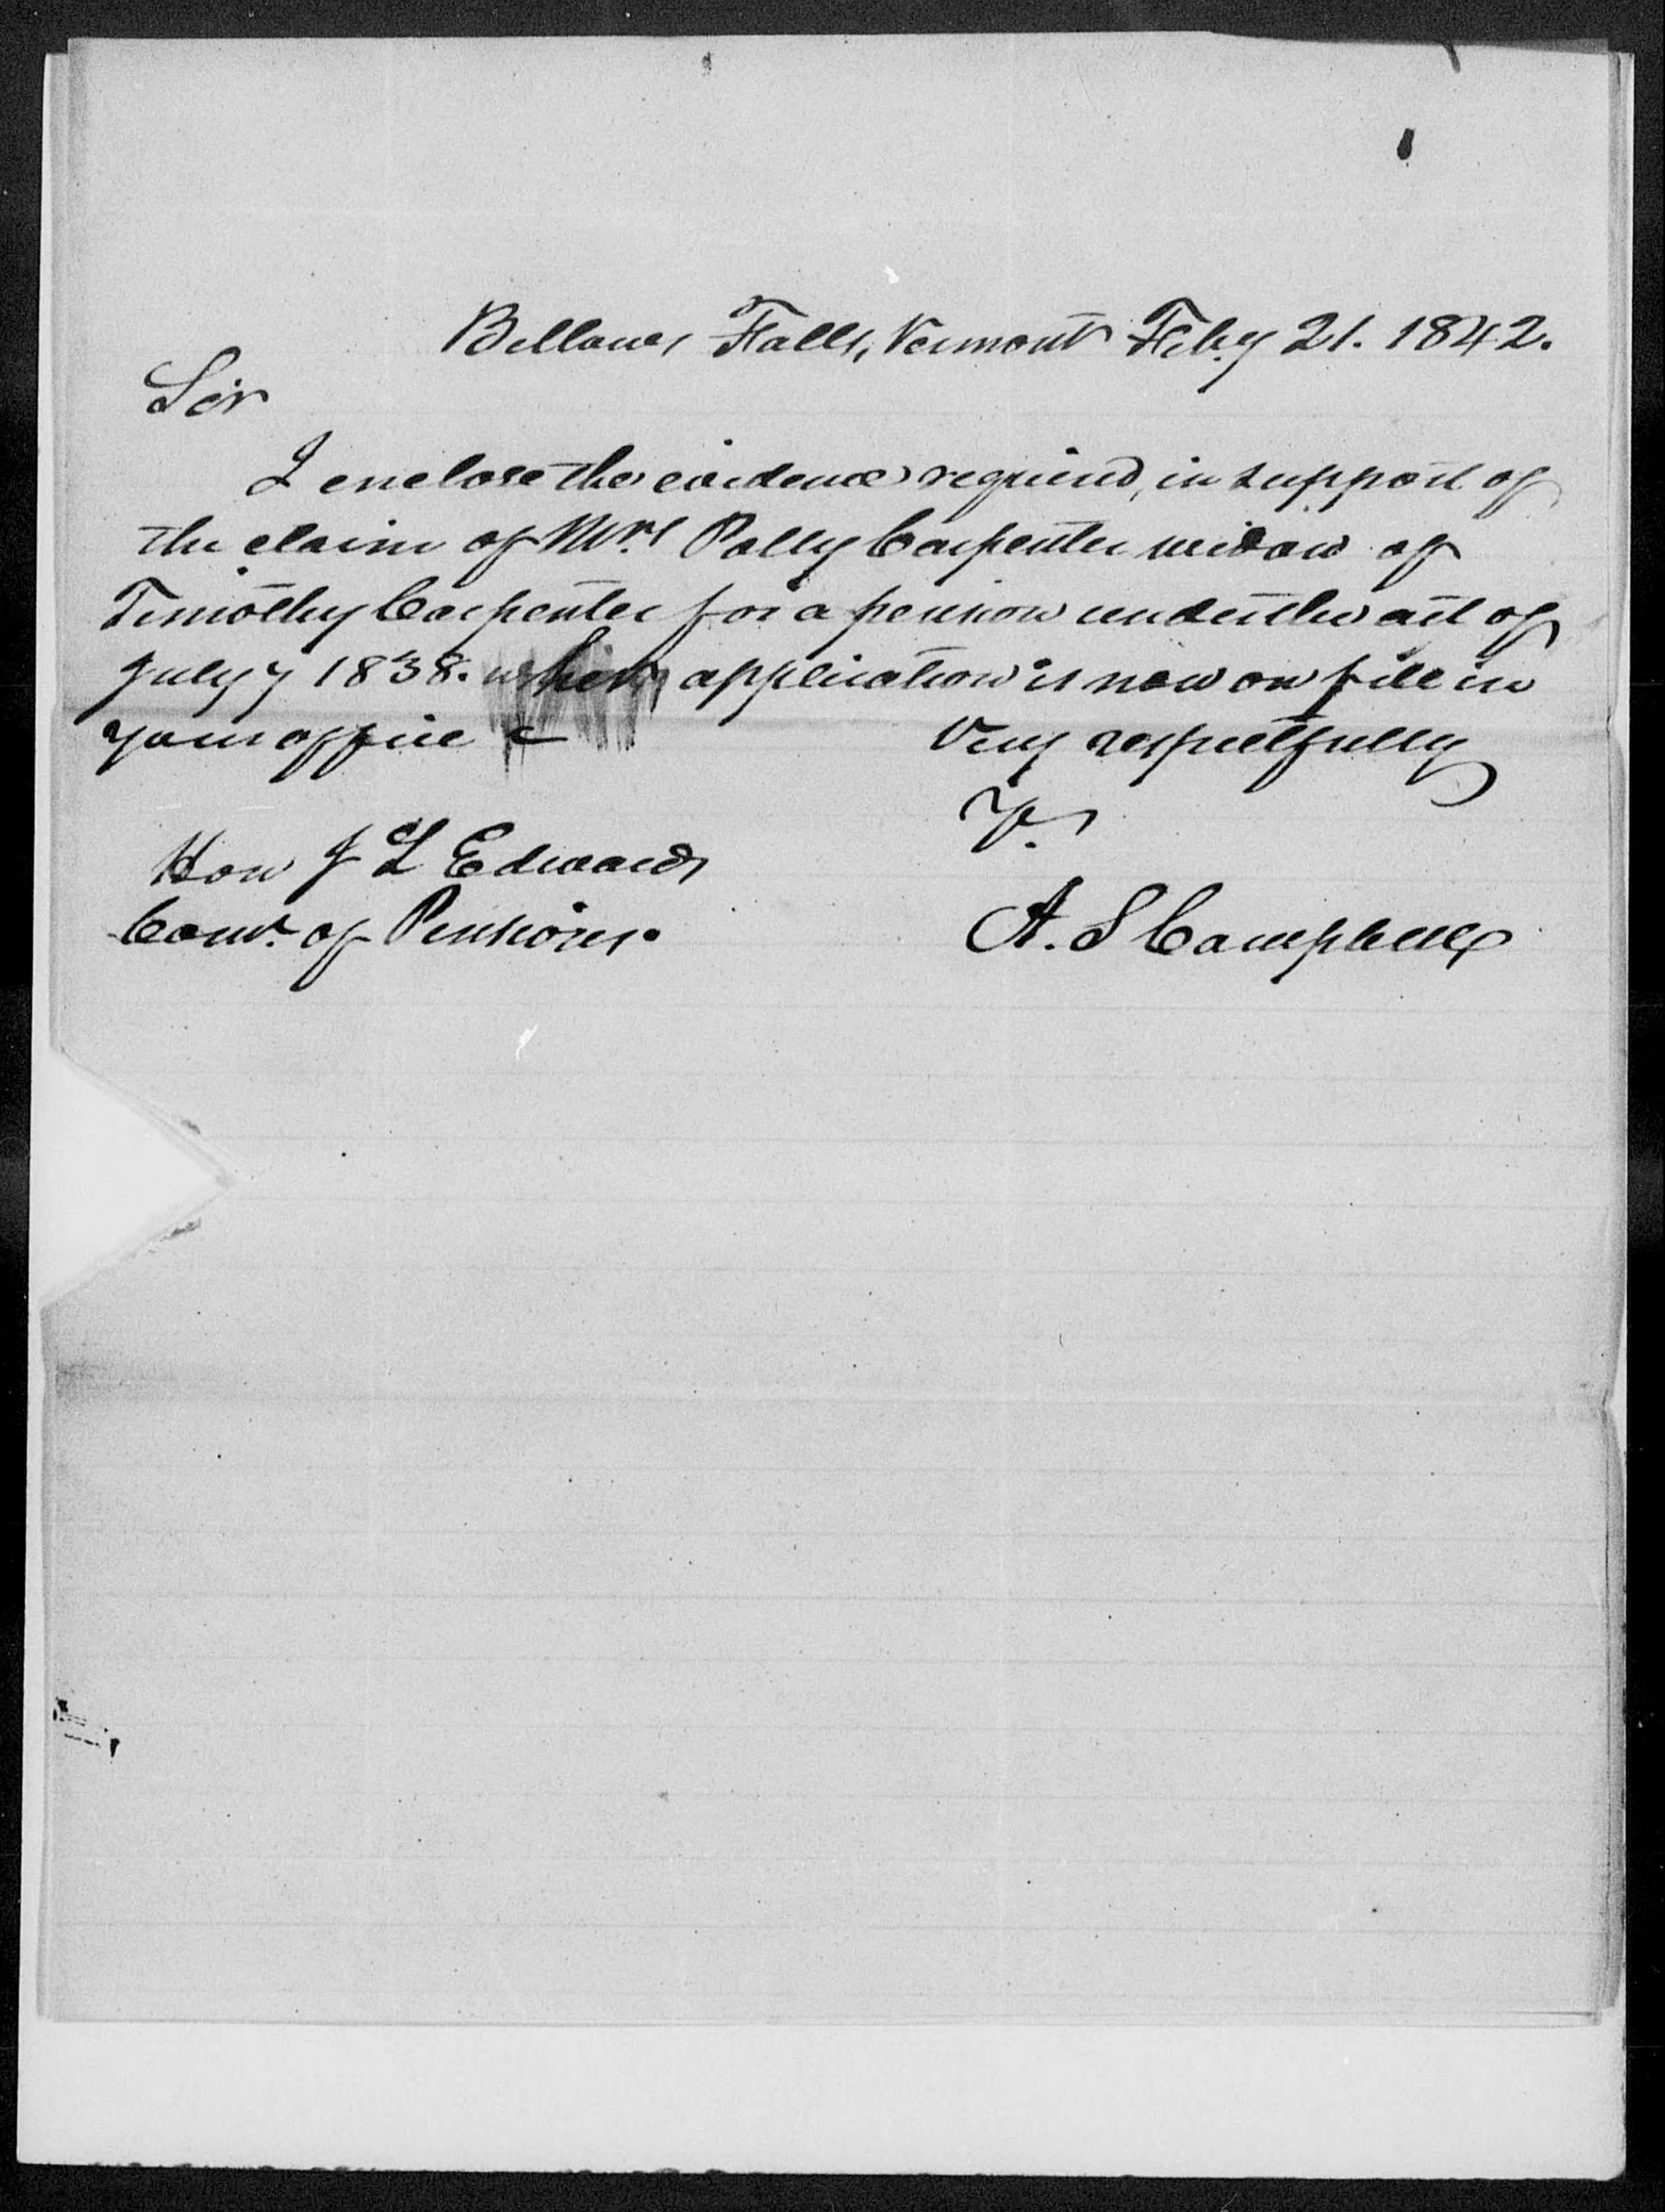Bellows Falls, Vermont Feby 21. 1842.
Sir
I enclose the evidence required, in support of the claim of Mrs. Polly Carpenter widow of Timothy Carpenter for a pension under the act of July 7 1838. where application is now on file in your office - Very respectfully yr
/s/A. S. Campbell

Hon J L Edwards
Com'r of Pensions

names: Timothy Carpenter, Polly Carpenter, J L Edwards, A S Campbell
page: 29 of 41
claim: widow's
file: W. 15627, Timothy Carpenter, Vt.